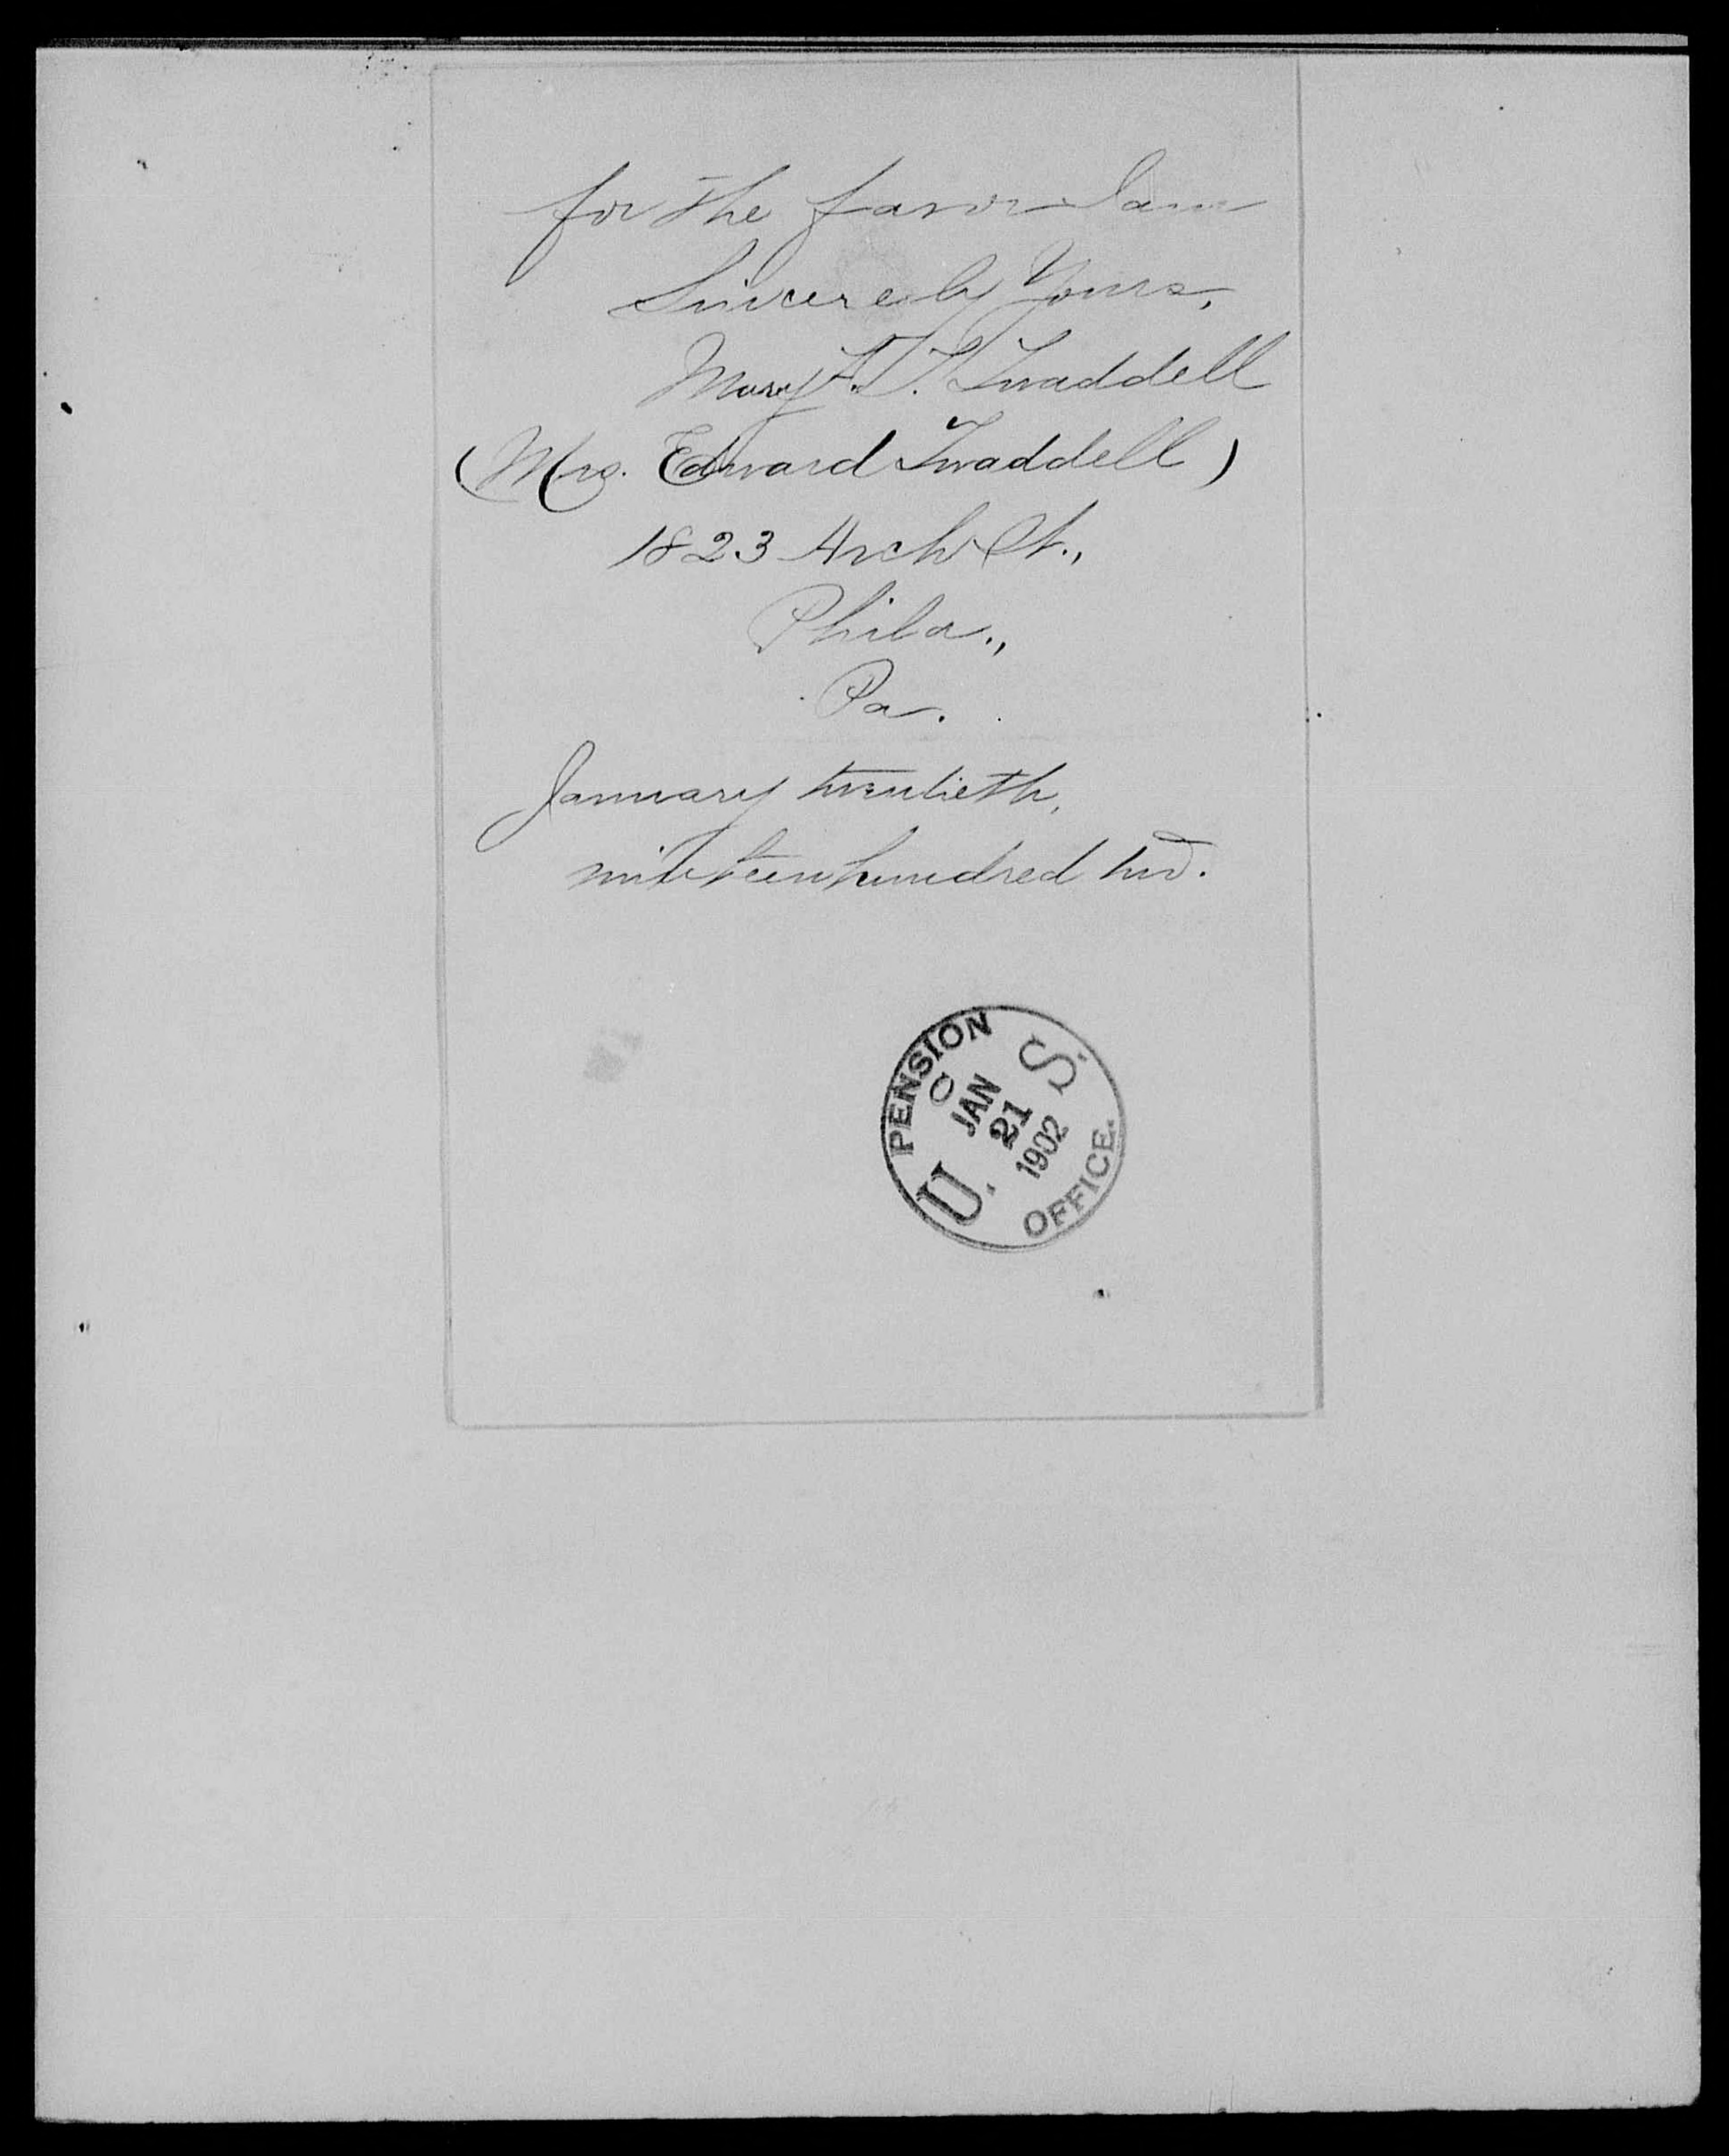[Illegible]
Sincerely yours,
Mary F. T. Twaddell 
Mr. Edward Twaddell 

1823 Arch St. 
Philadelphia, Pennsylvania

[Illegible]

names: Edward Twaddell, Mary F T Twaddell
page: 17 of 51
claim: widow's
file: W 8939, George Hood, Continental Va.